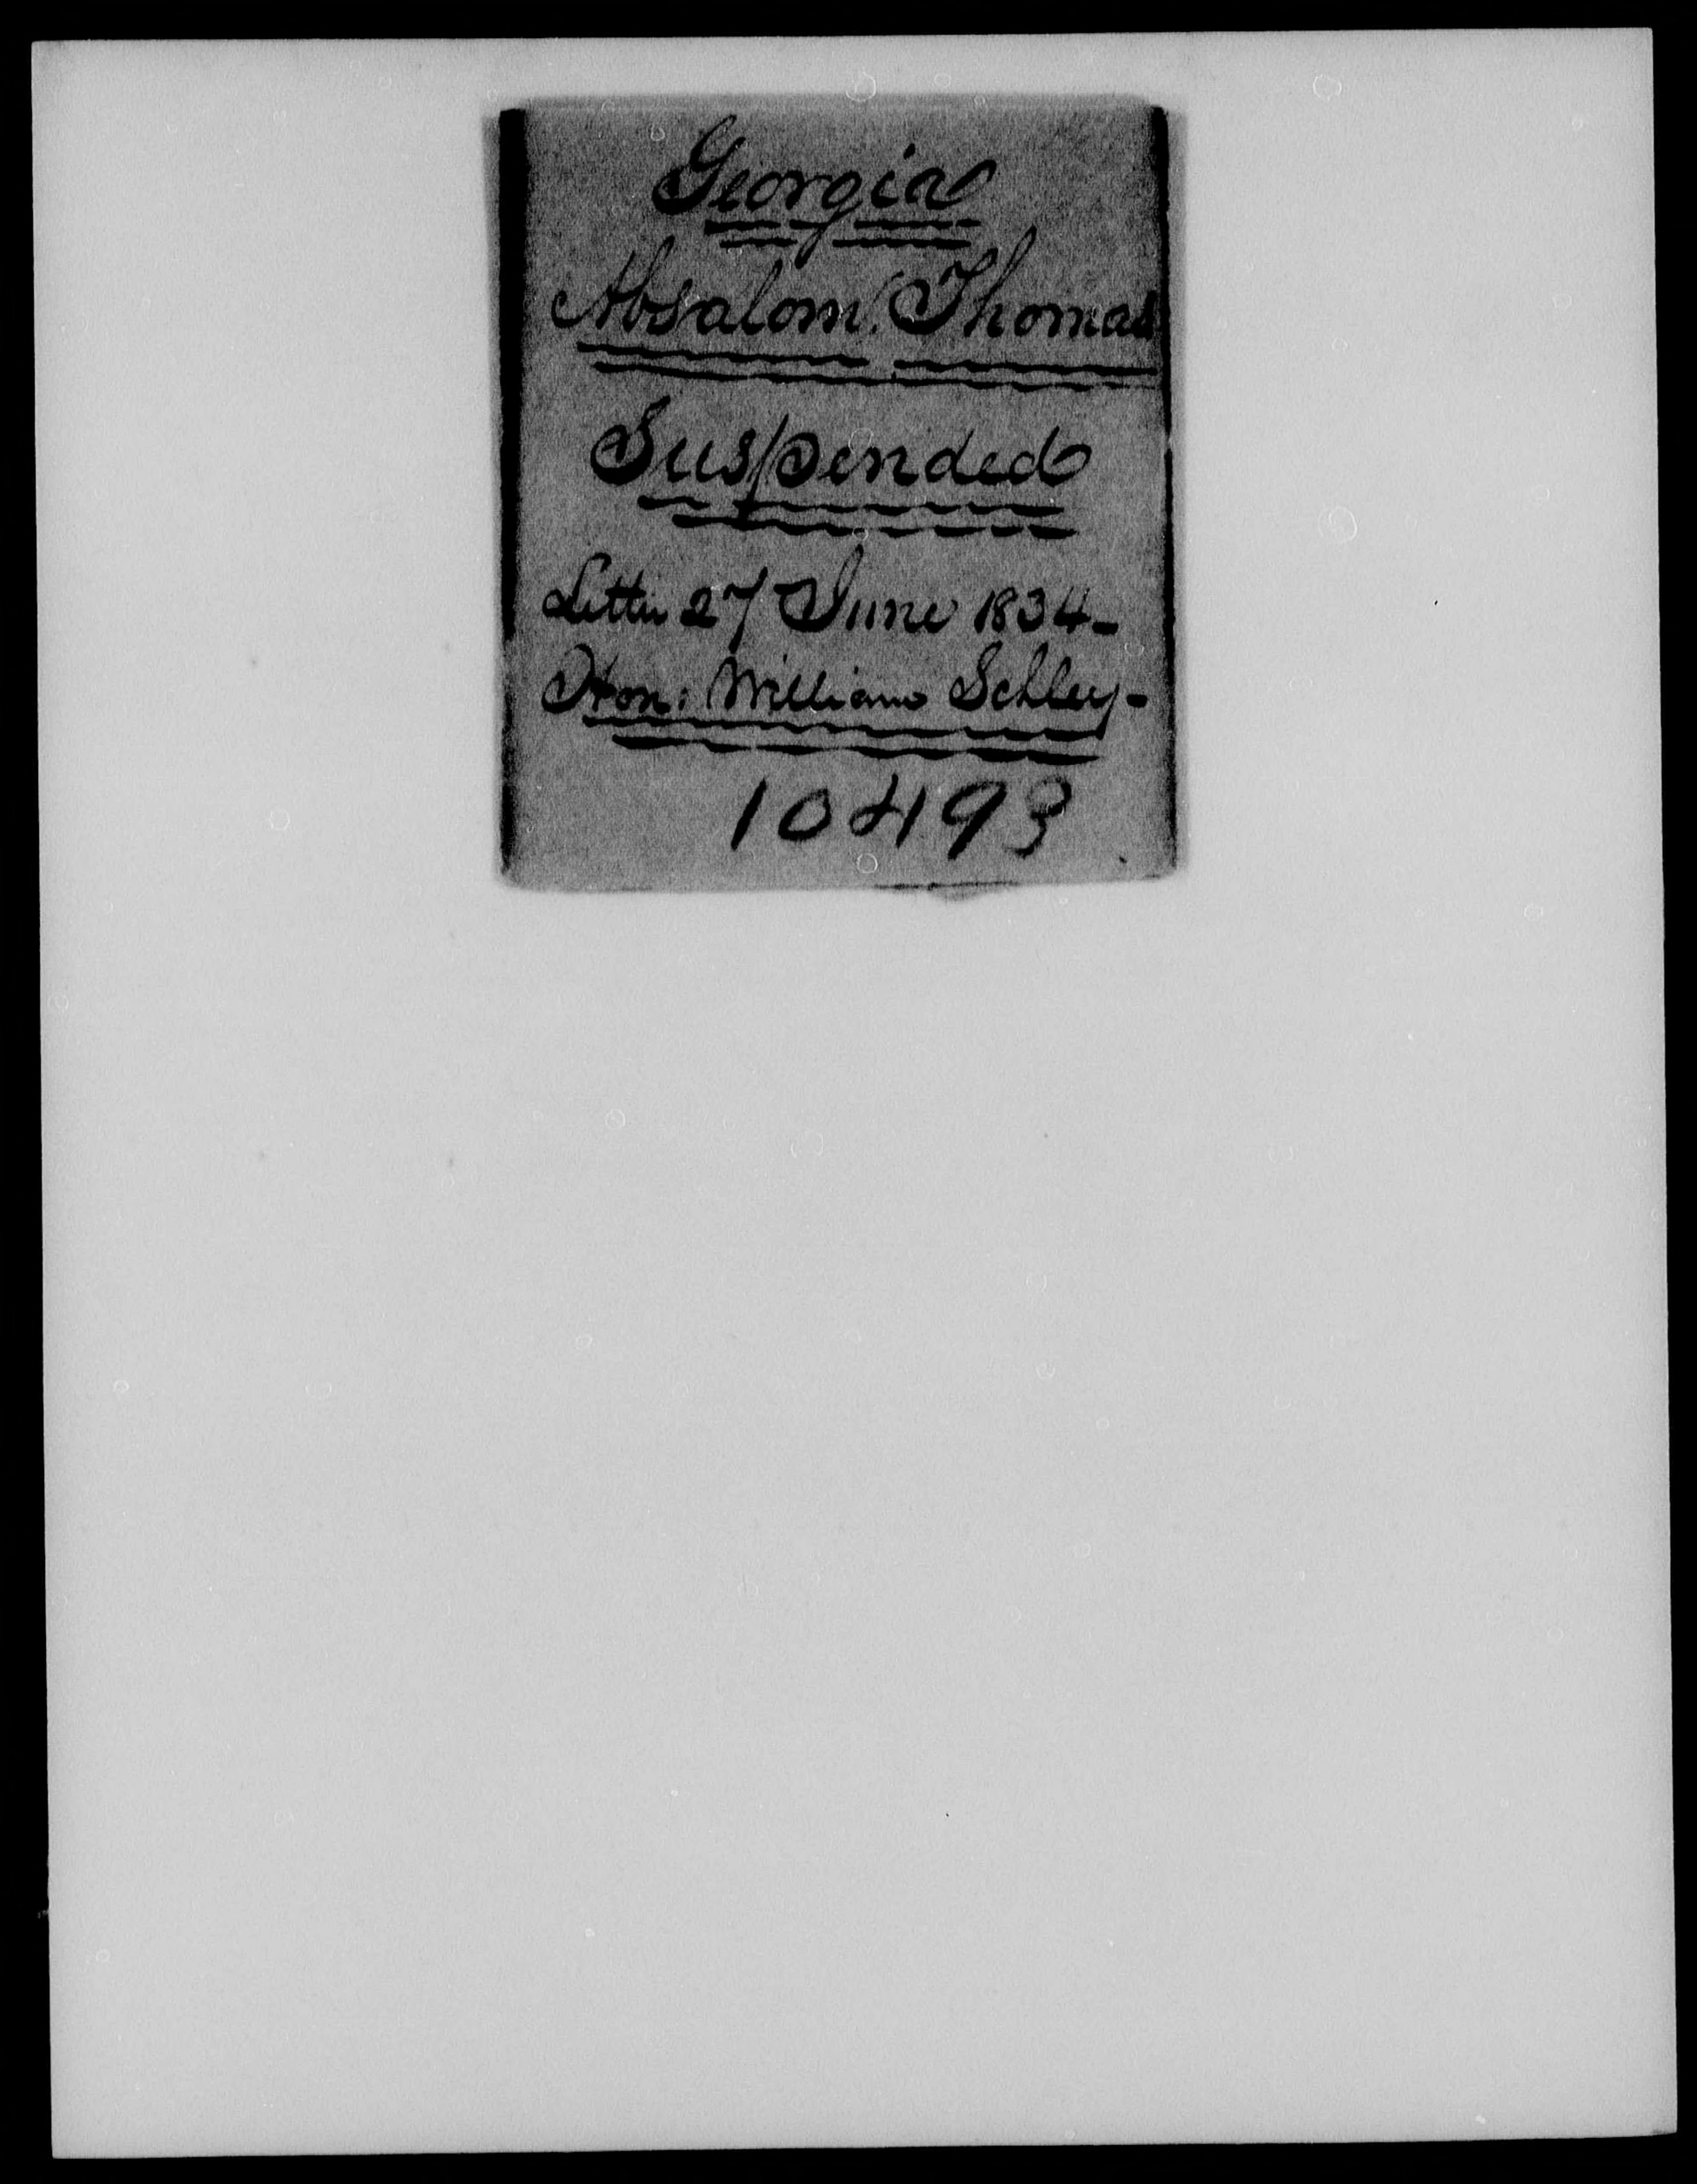Georgia
Absalom Thomas
Suspended
Letter 27 June 1834_
Hon: William Shley-
10493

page: 3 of 9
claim: rejected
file: R 10493, for Absalom Thomas, North Carolina